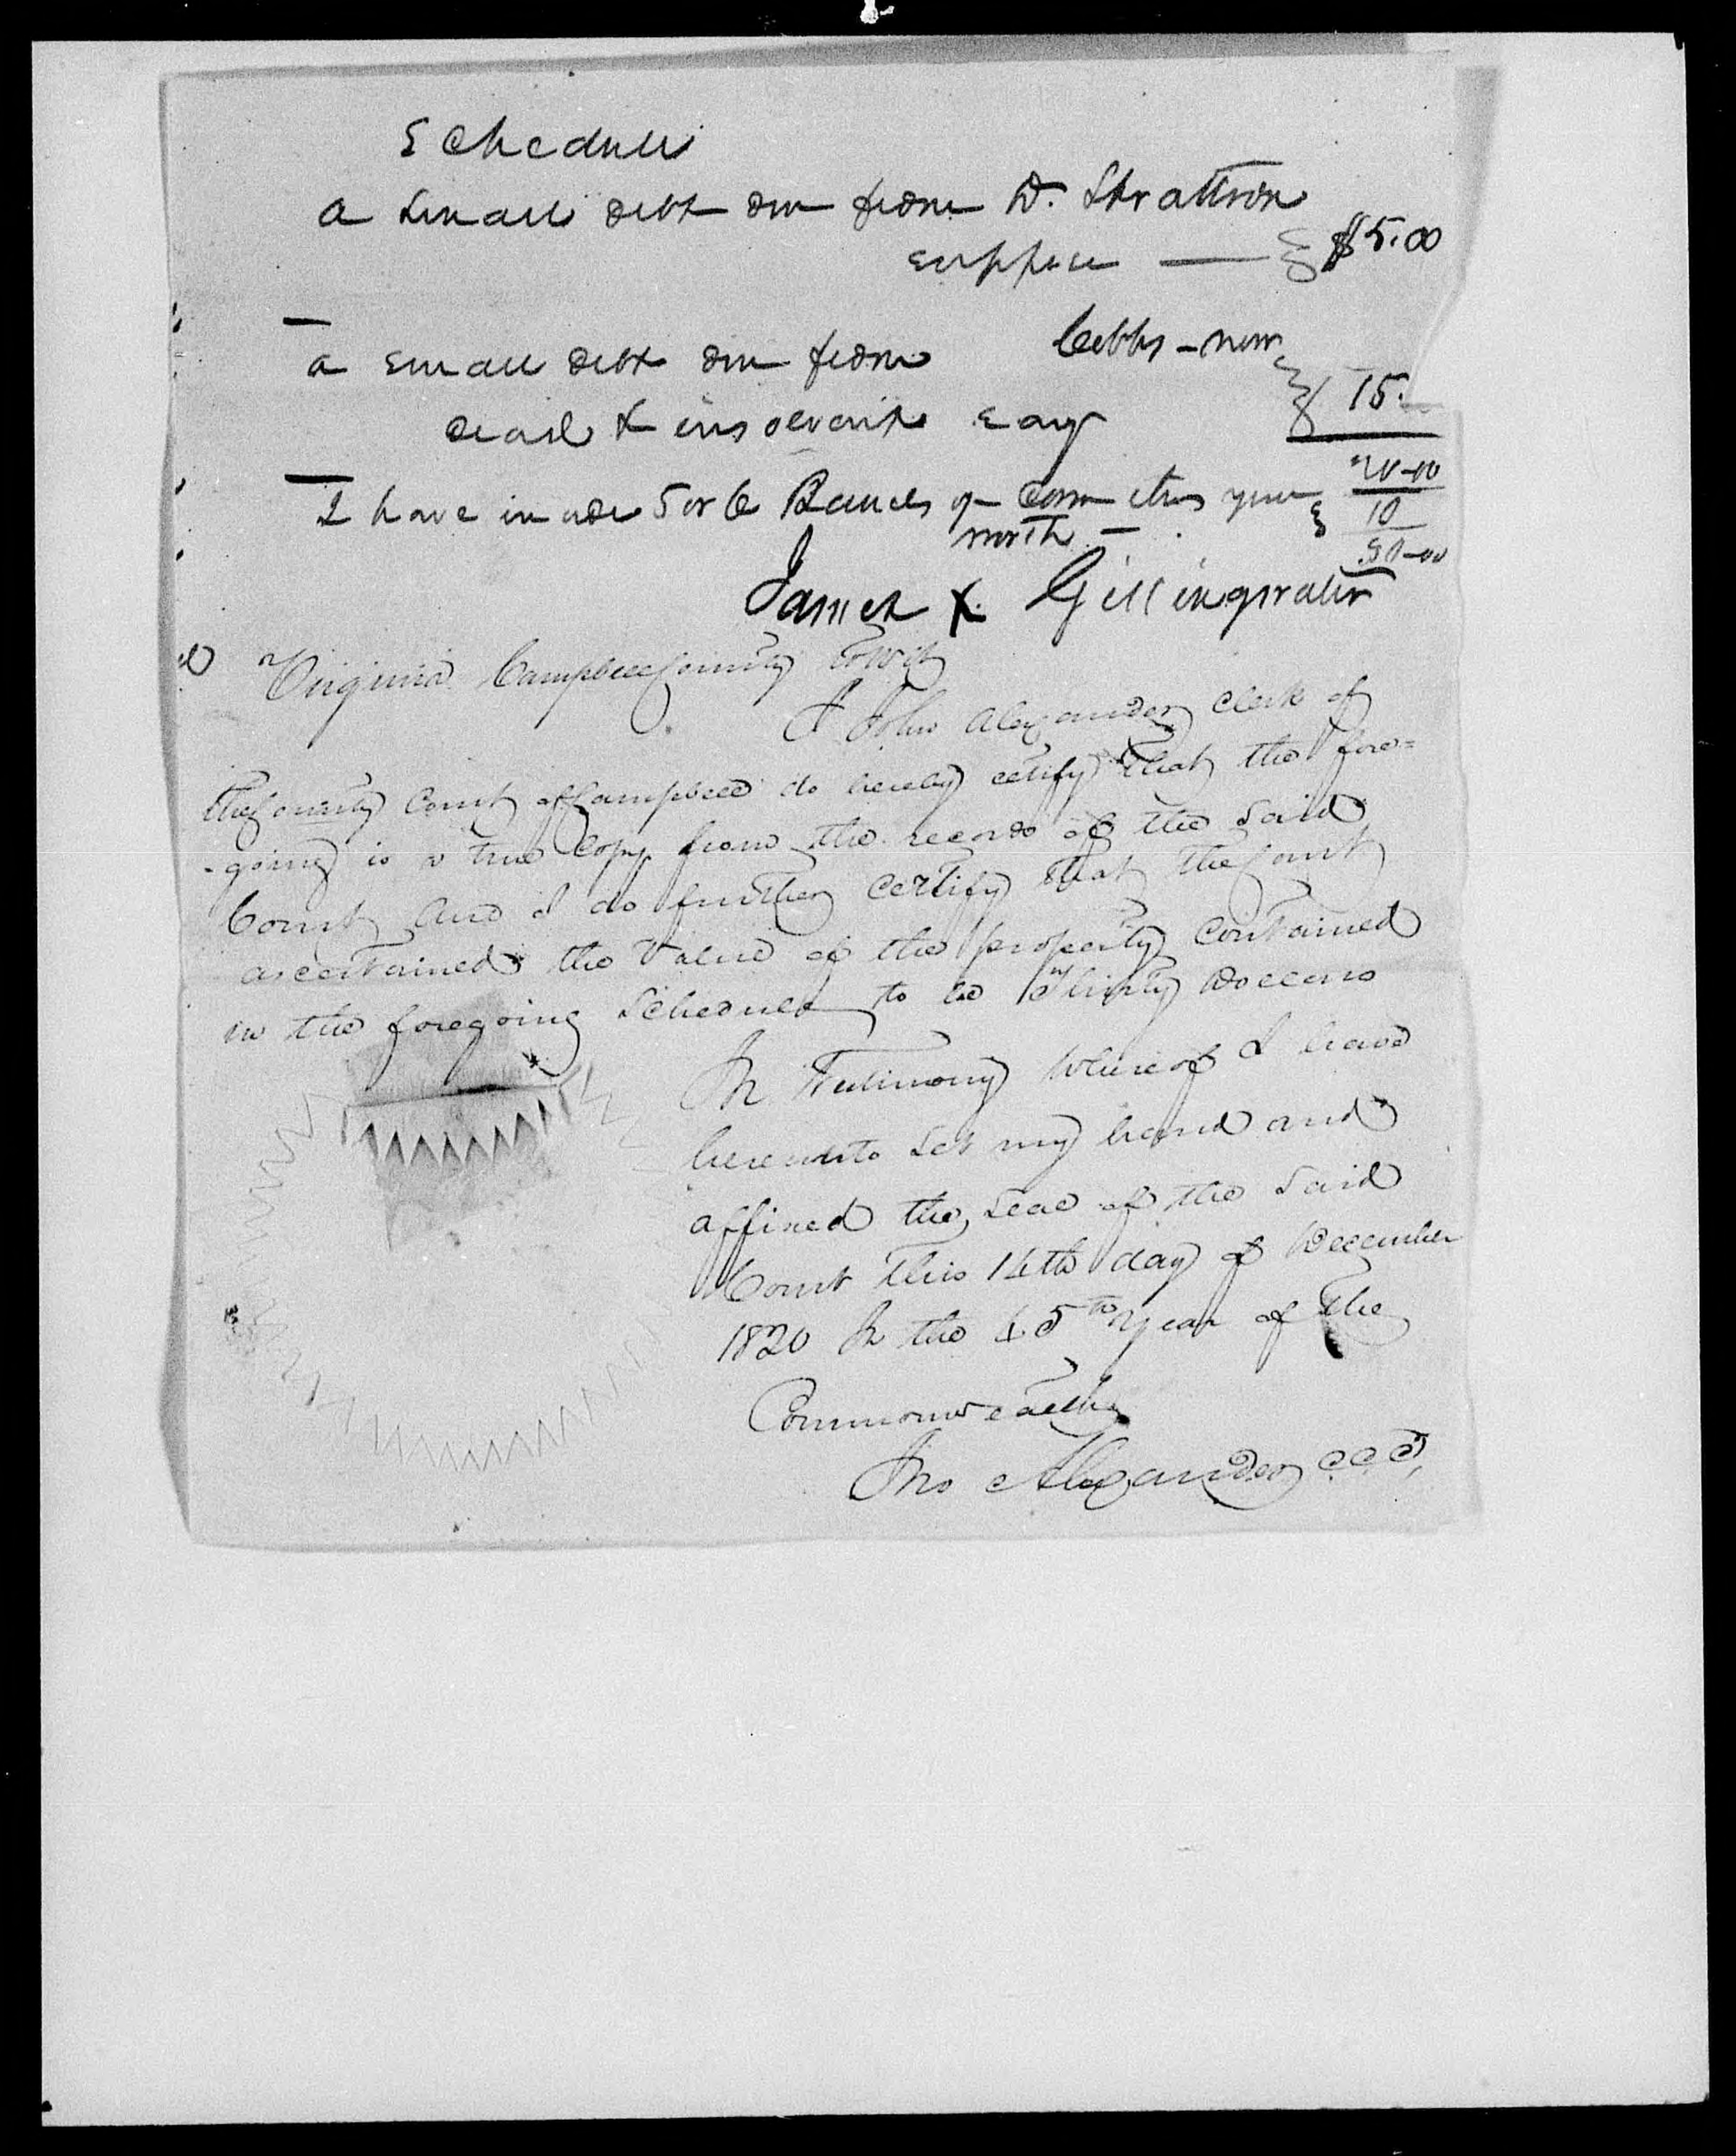Schedule
a small debt owed from D. Strattion
     supplies  $5.00
a small debt owed from Cubbs - nom
     sealed & inscribed say  15.
I have in [illegible] 5 or 6 bands of corn this year W -10
 north  10
        .90
     James X Gillingwater

Virginia Campbell County Court
     I John Alexander clerk of the foregoing court aforementioned do hereby certify that the foregoing is a true copy from the record of the said County, And I do further certify that the Court ascertained the value of the property contained in the foregoing schedule to be Thirty Dollars 
     In testimony whereof I have hereunto set my hand and affixed the seal of the said Court this 16th day of December 1820 in the [illegible]5th year of the Commonwealth
     Jno Alexander Clk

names: Jno Alexander, James Gillingwater, John Alexander, D Strattion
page: 7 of 36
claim: survivor's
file: S. 39570, James Gillingwater, Va.